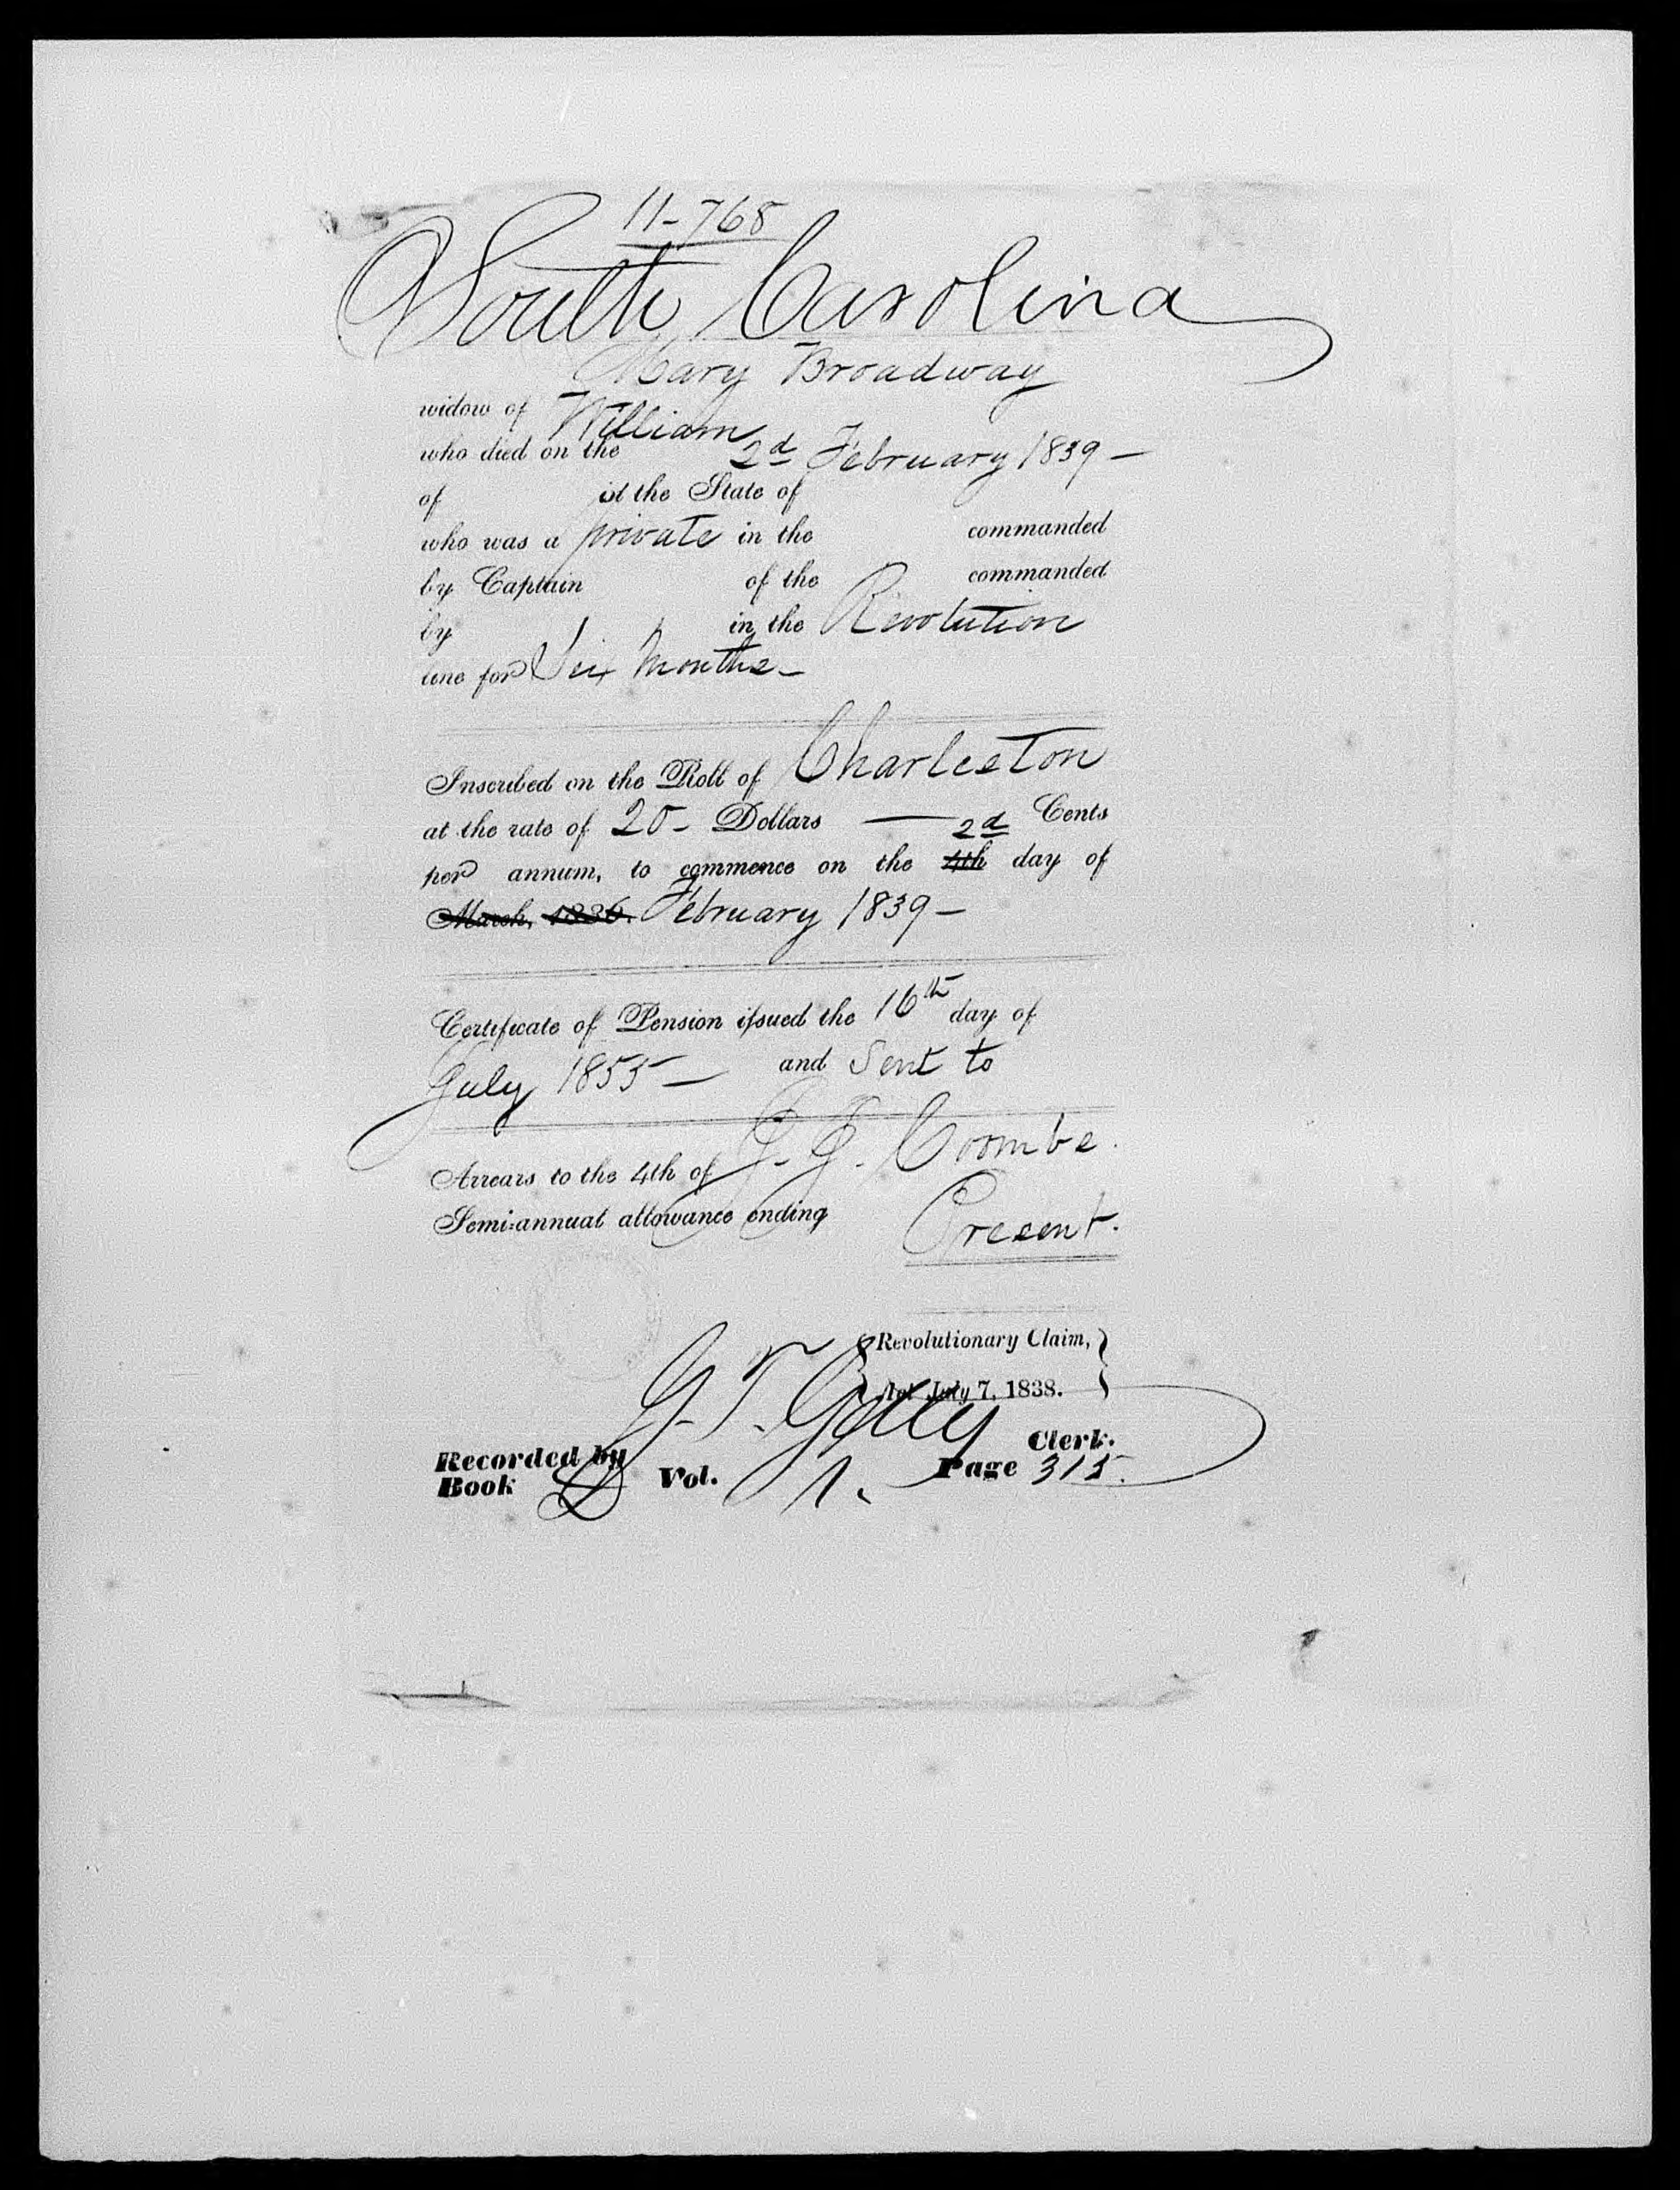11-768
______
South Carolina
====================
Mary Broadway
widow of William 
who died on the 2d February 1839-
of             the State of
who was a private in the          commanded
by Captain.              of the.         commanded
by                               in the Revolution
line for six months -
=============================
Inscribed on the Roll of Charleston
at the rate of 20. Dollars -----Cents
per annum, to commence on the 2d  day of
February 1839-
==============================
Certificate of Pension issued the 16th day of
July 1855-  and Sent to
J. J. Coombe
Present.
________
Arrears to the 4th of
Semiannual allowance ending
========================
{Revolutionary Claim, }
[Act July 7, 1838.          }

Recorded by G T Gelly Clerk.
Book D  Vol 1 Page 315.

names: J J Coombs, G T Gelly, Mary Broadway, William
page: 82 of 98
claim: widow's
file: W. 8398, William Broadway, S.C.